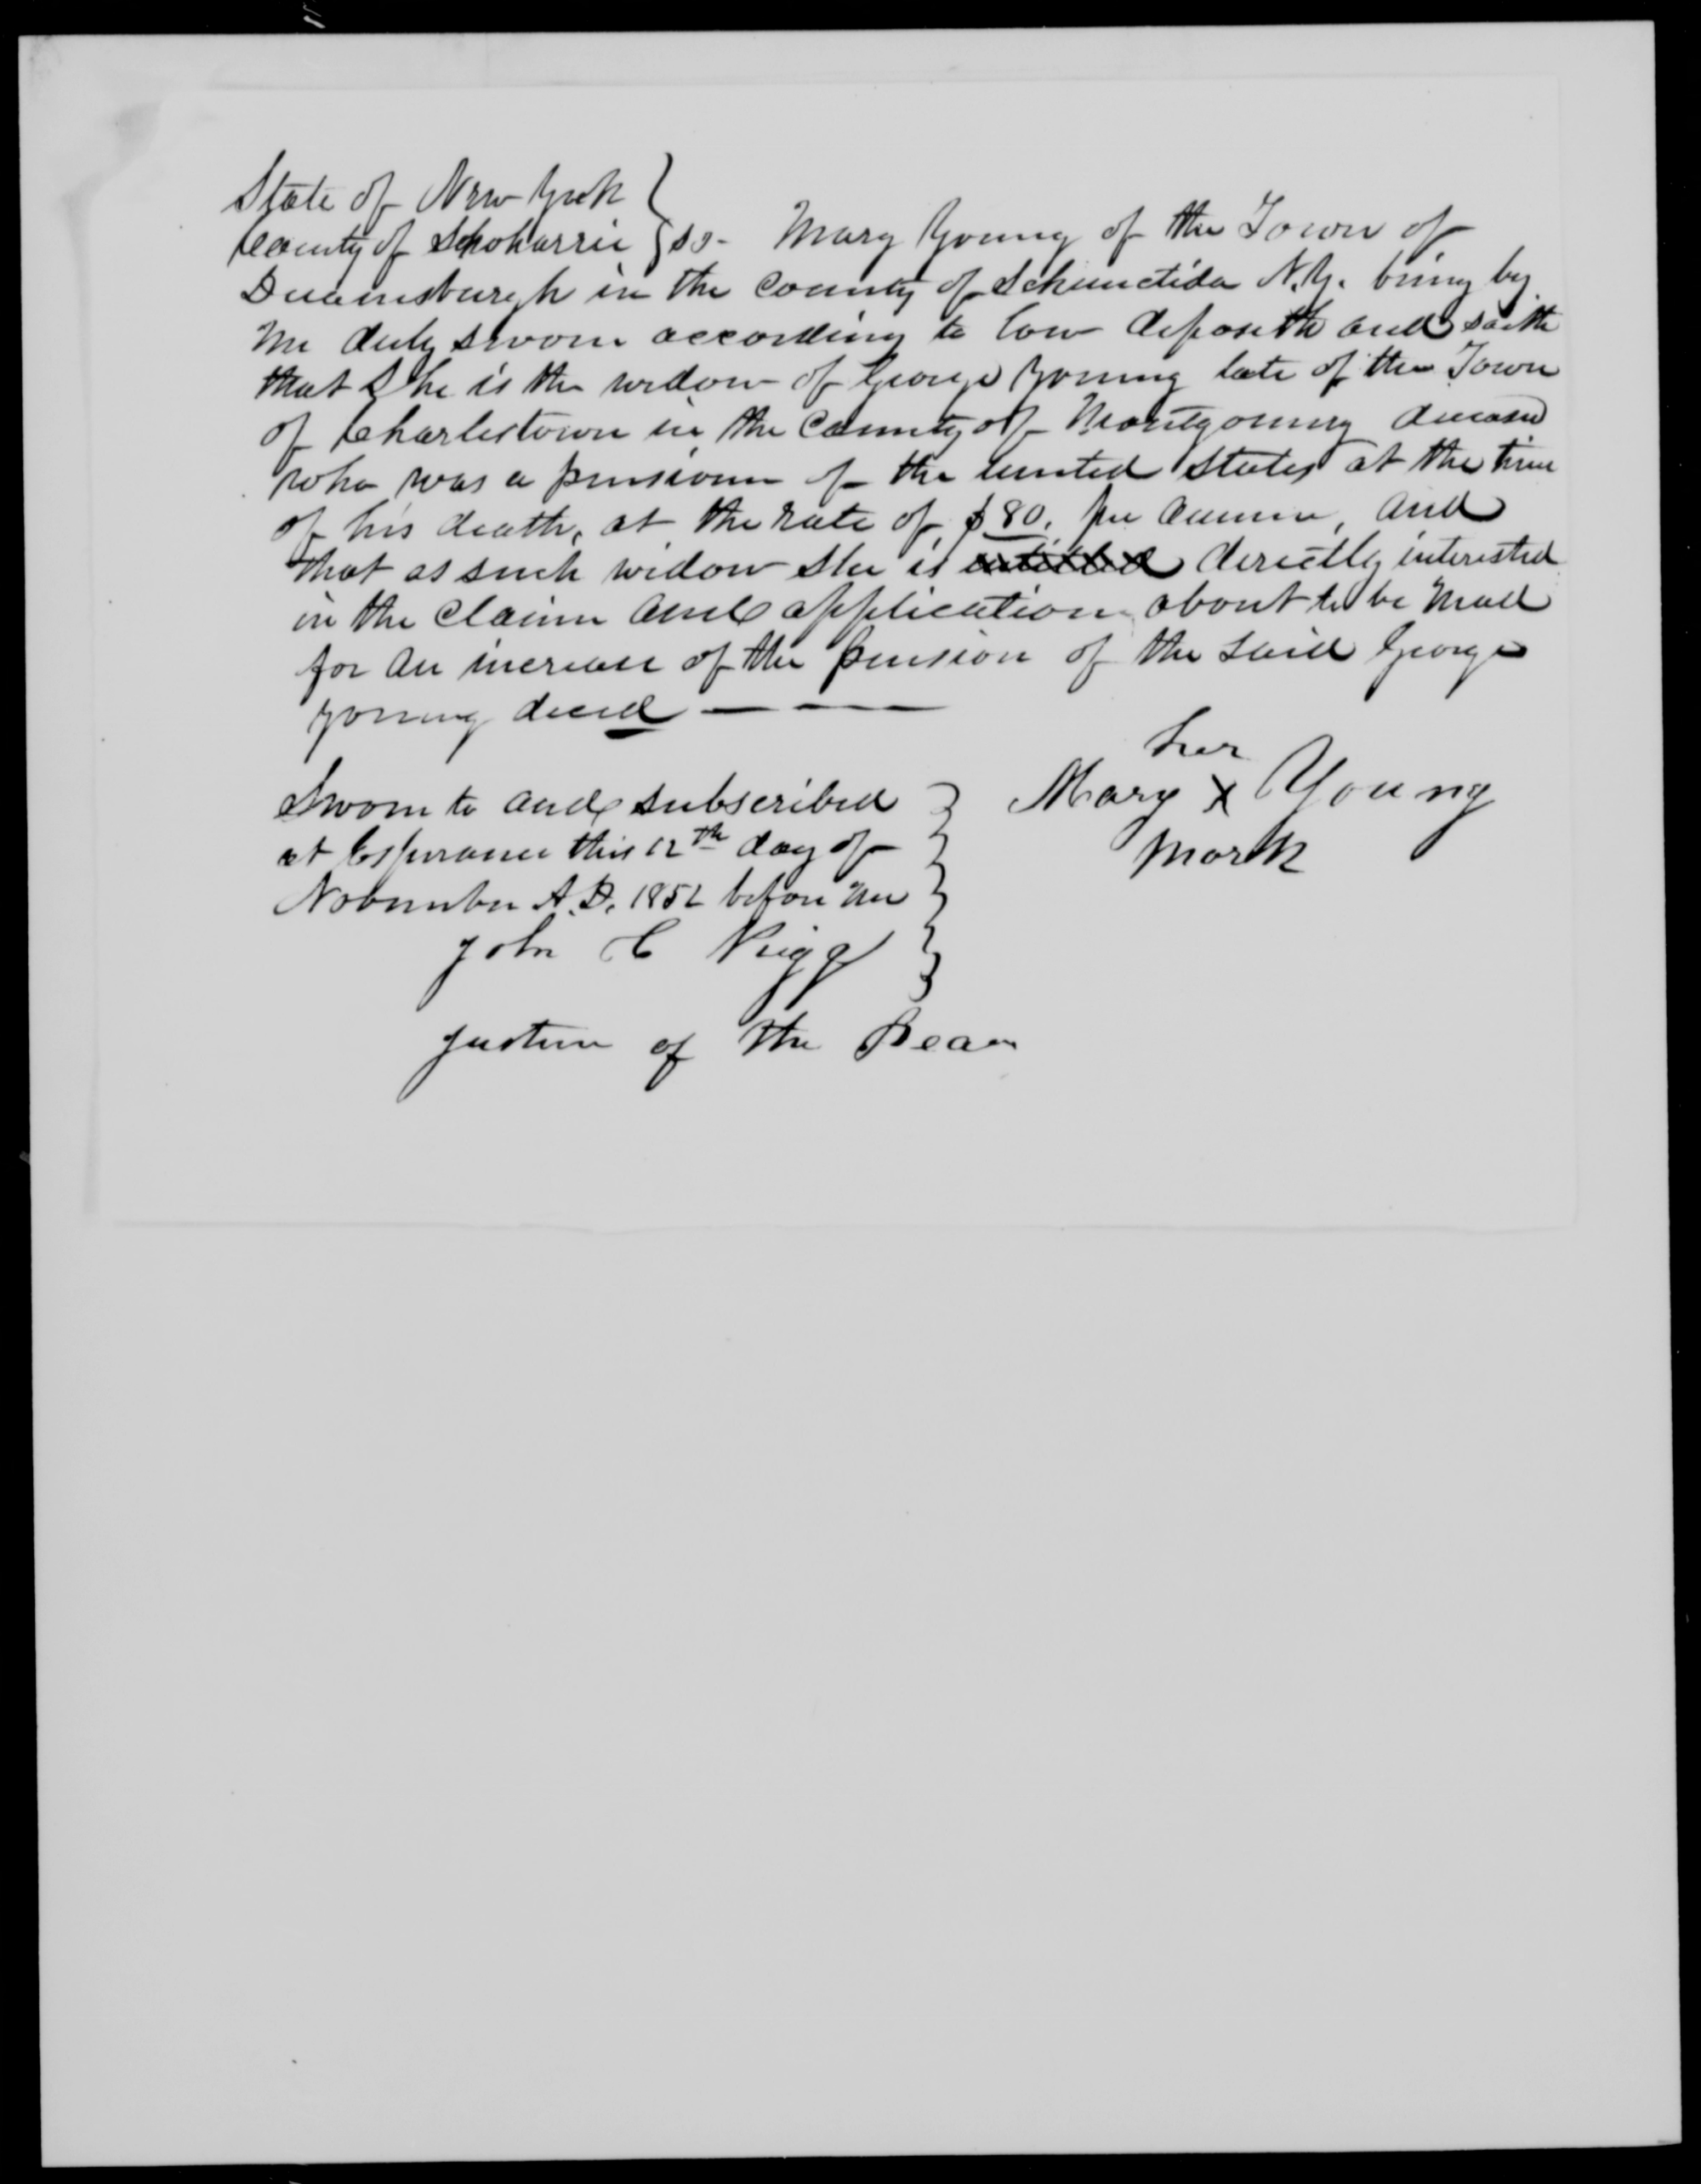State of New York
County of Schoharrie ) Mary Young of the Town of
Deamsburgh in the County of Schneida N.Y. being by
me duly sworn according to law deposeth and saith
that she is the widow of George Young late of the Town of
Charlestown in the County of Montgomery deceased
who was a pensioner of the United States at the time
of his death, at the rate of $80 per annum,
and
that as such widow she is directly interested
in the claim and application about to be made
.
for an incriber of the pension of the said George
Young died-
Sworn to and subscribed
at Esperance this 12th day of
Mary Young
November A.D. 1852 before me
Mark
John C Riggs
Justice of the Peace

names: John C Riggs, Mary Young, George Young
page: 52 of 67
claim: widow's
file: W. 7379, George Young, New Jersey